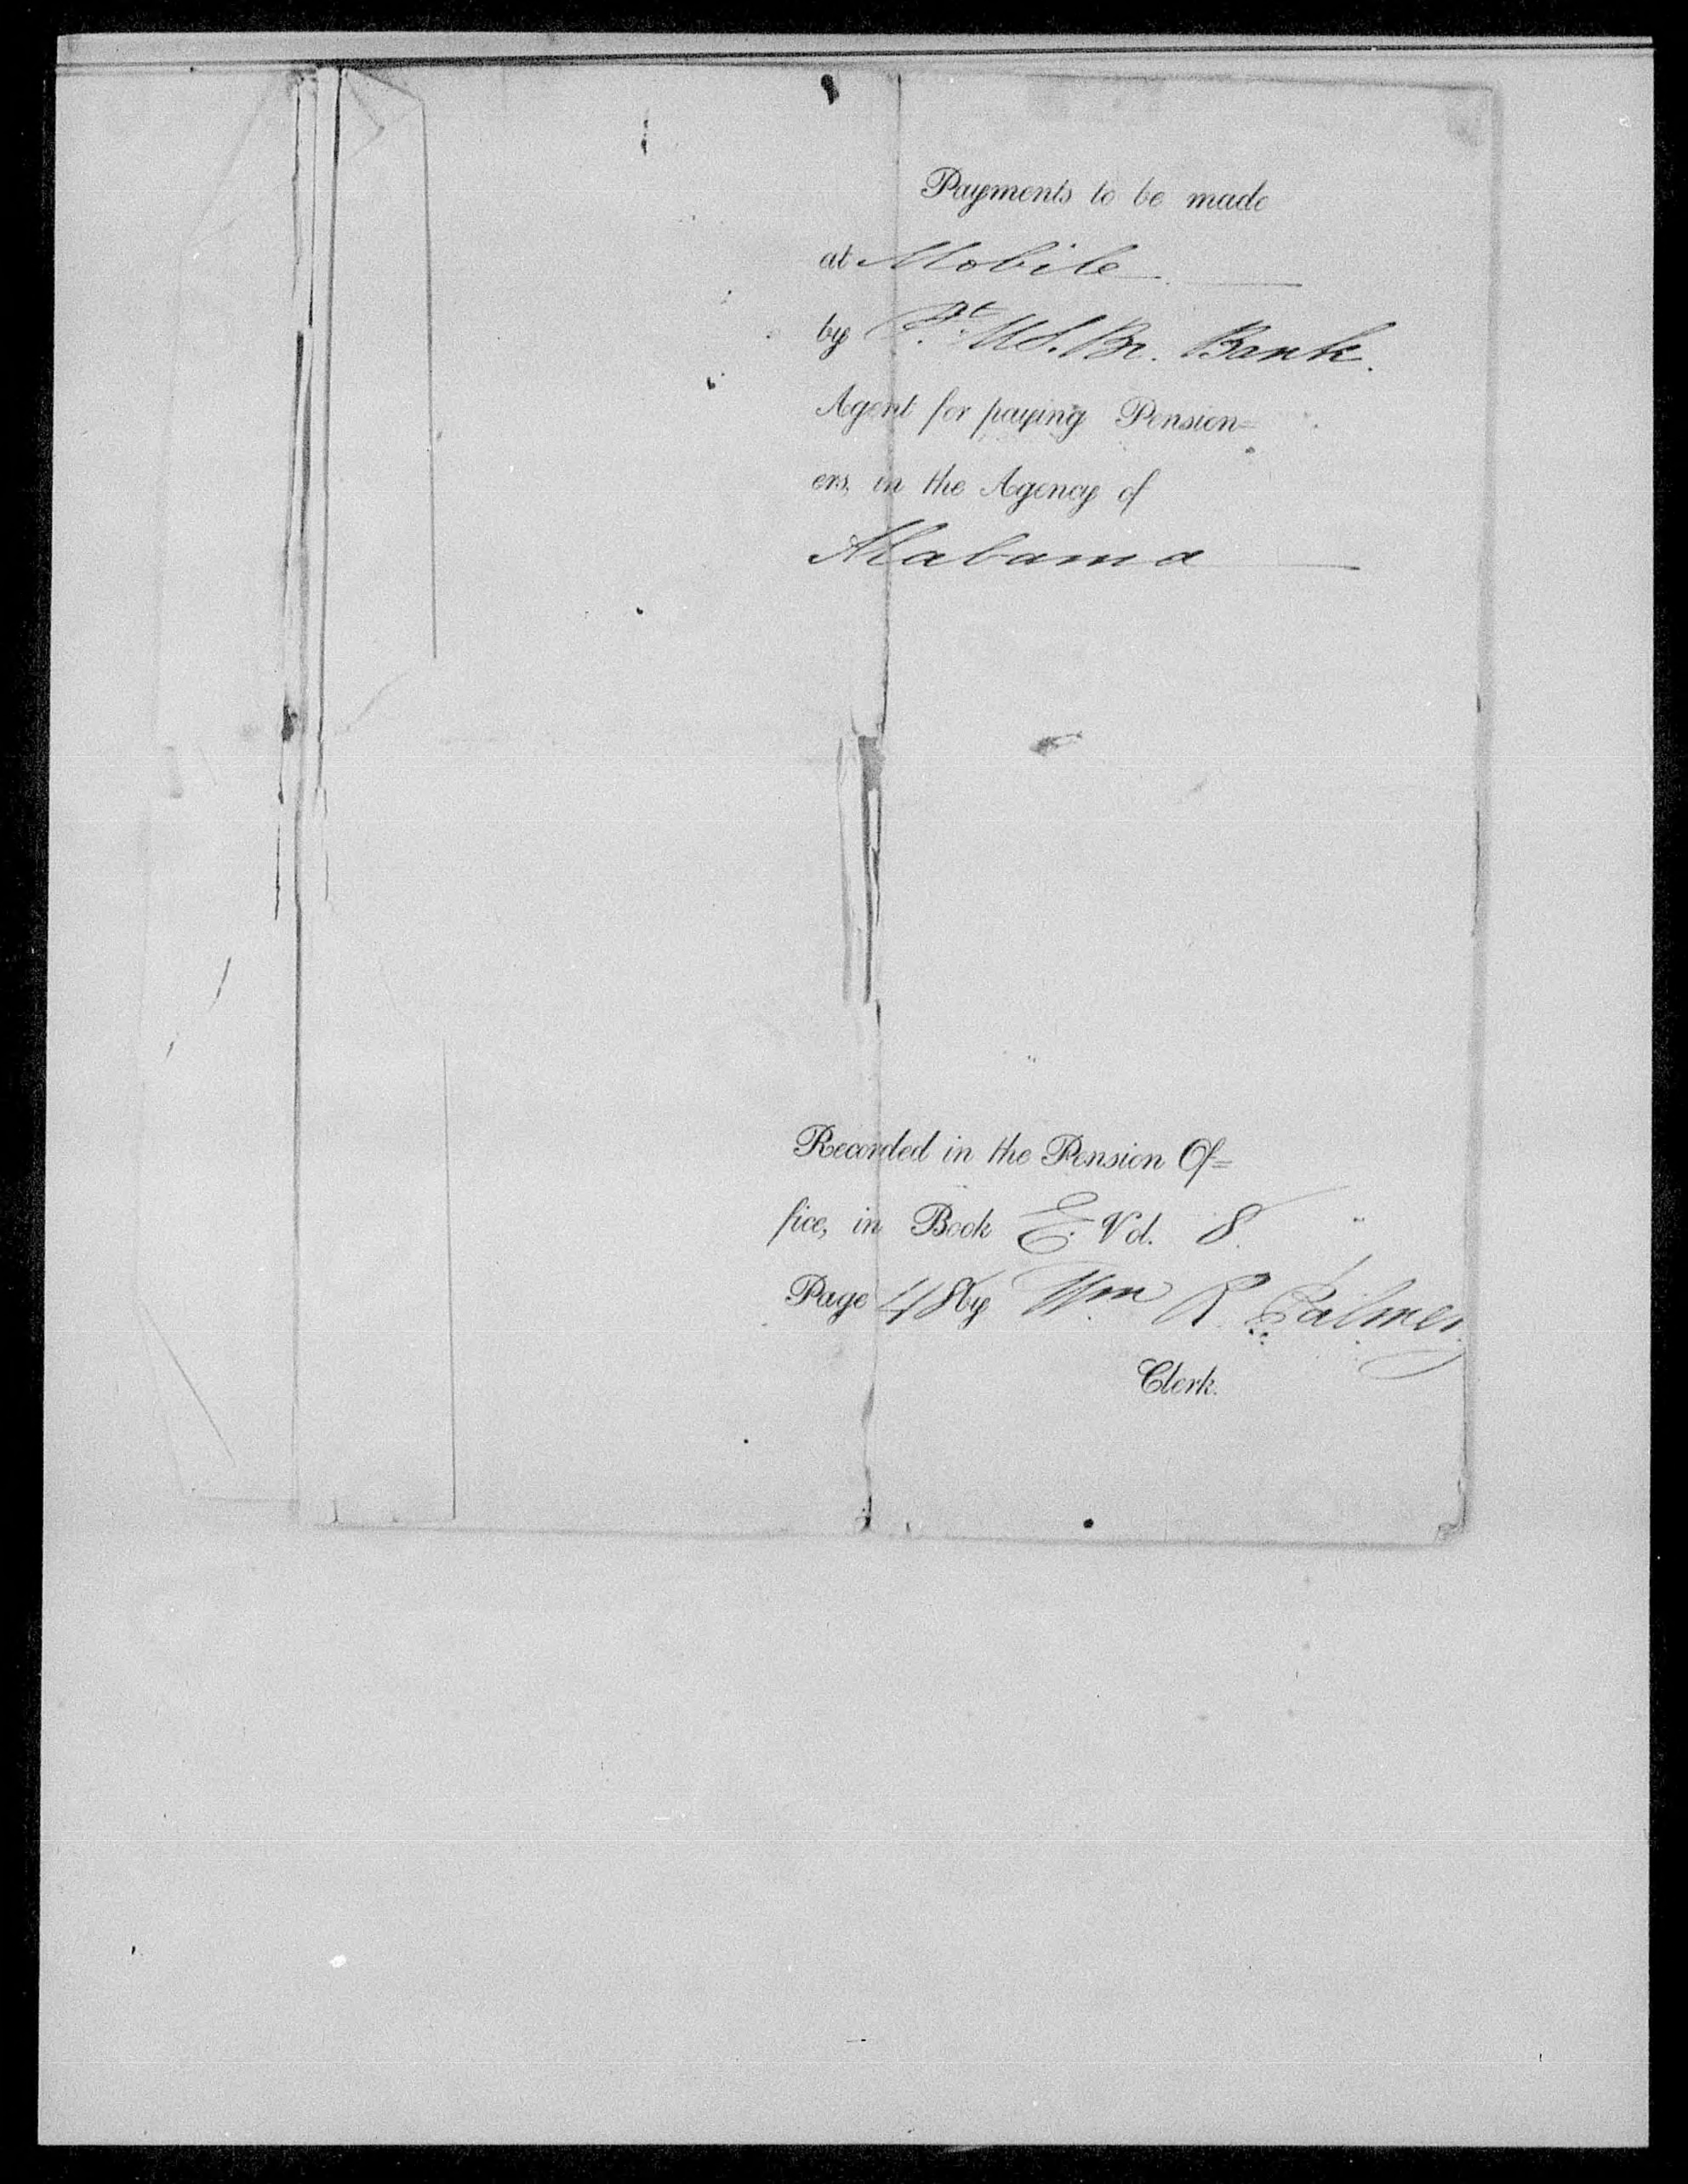[Printed document with handwritten entries]

Payments to be made at Mobile by W. Br. Bank
Agent for paying Pensioners in the Agency of
Alabama

Recorded in the Pension Office, in Book E. Vol. 8
Page 486 by Wm R. Palmer Clerk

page: 35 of 45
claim: survivor's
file: S. 13,890, for James Mc Carter, South Carolina